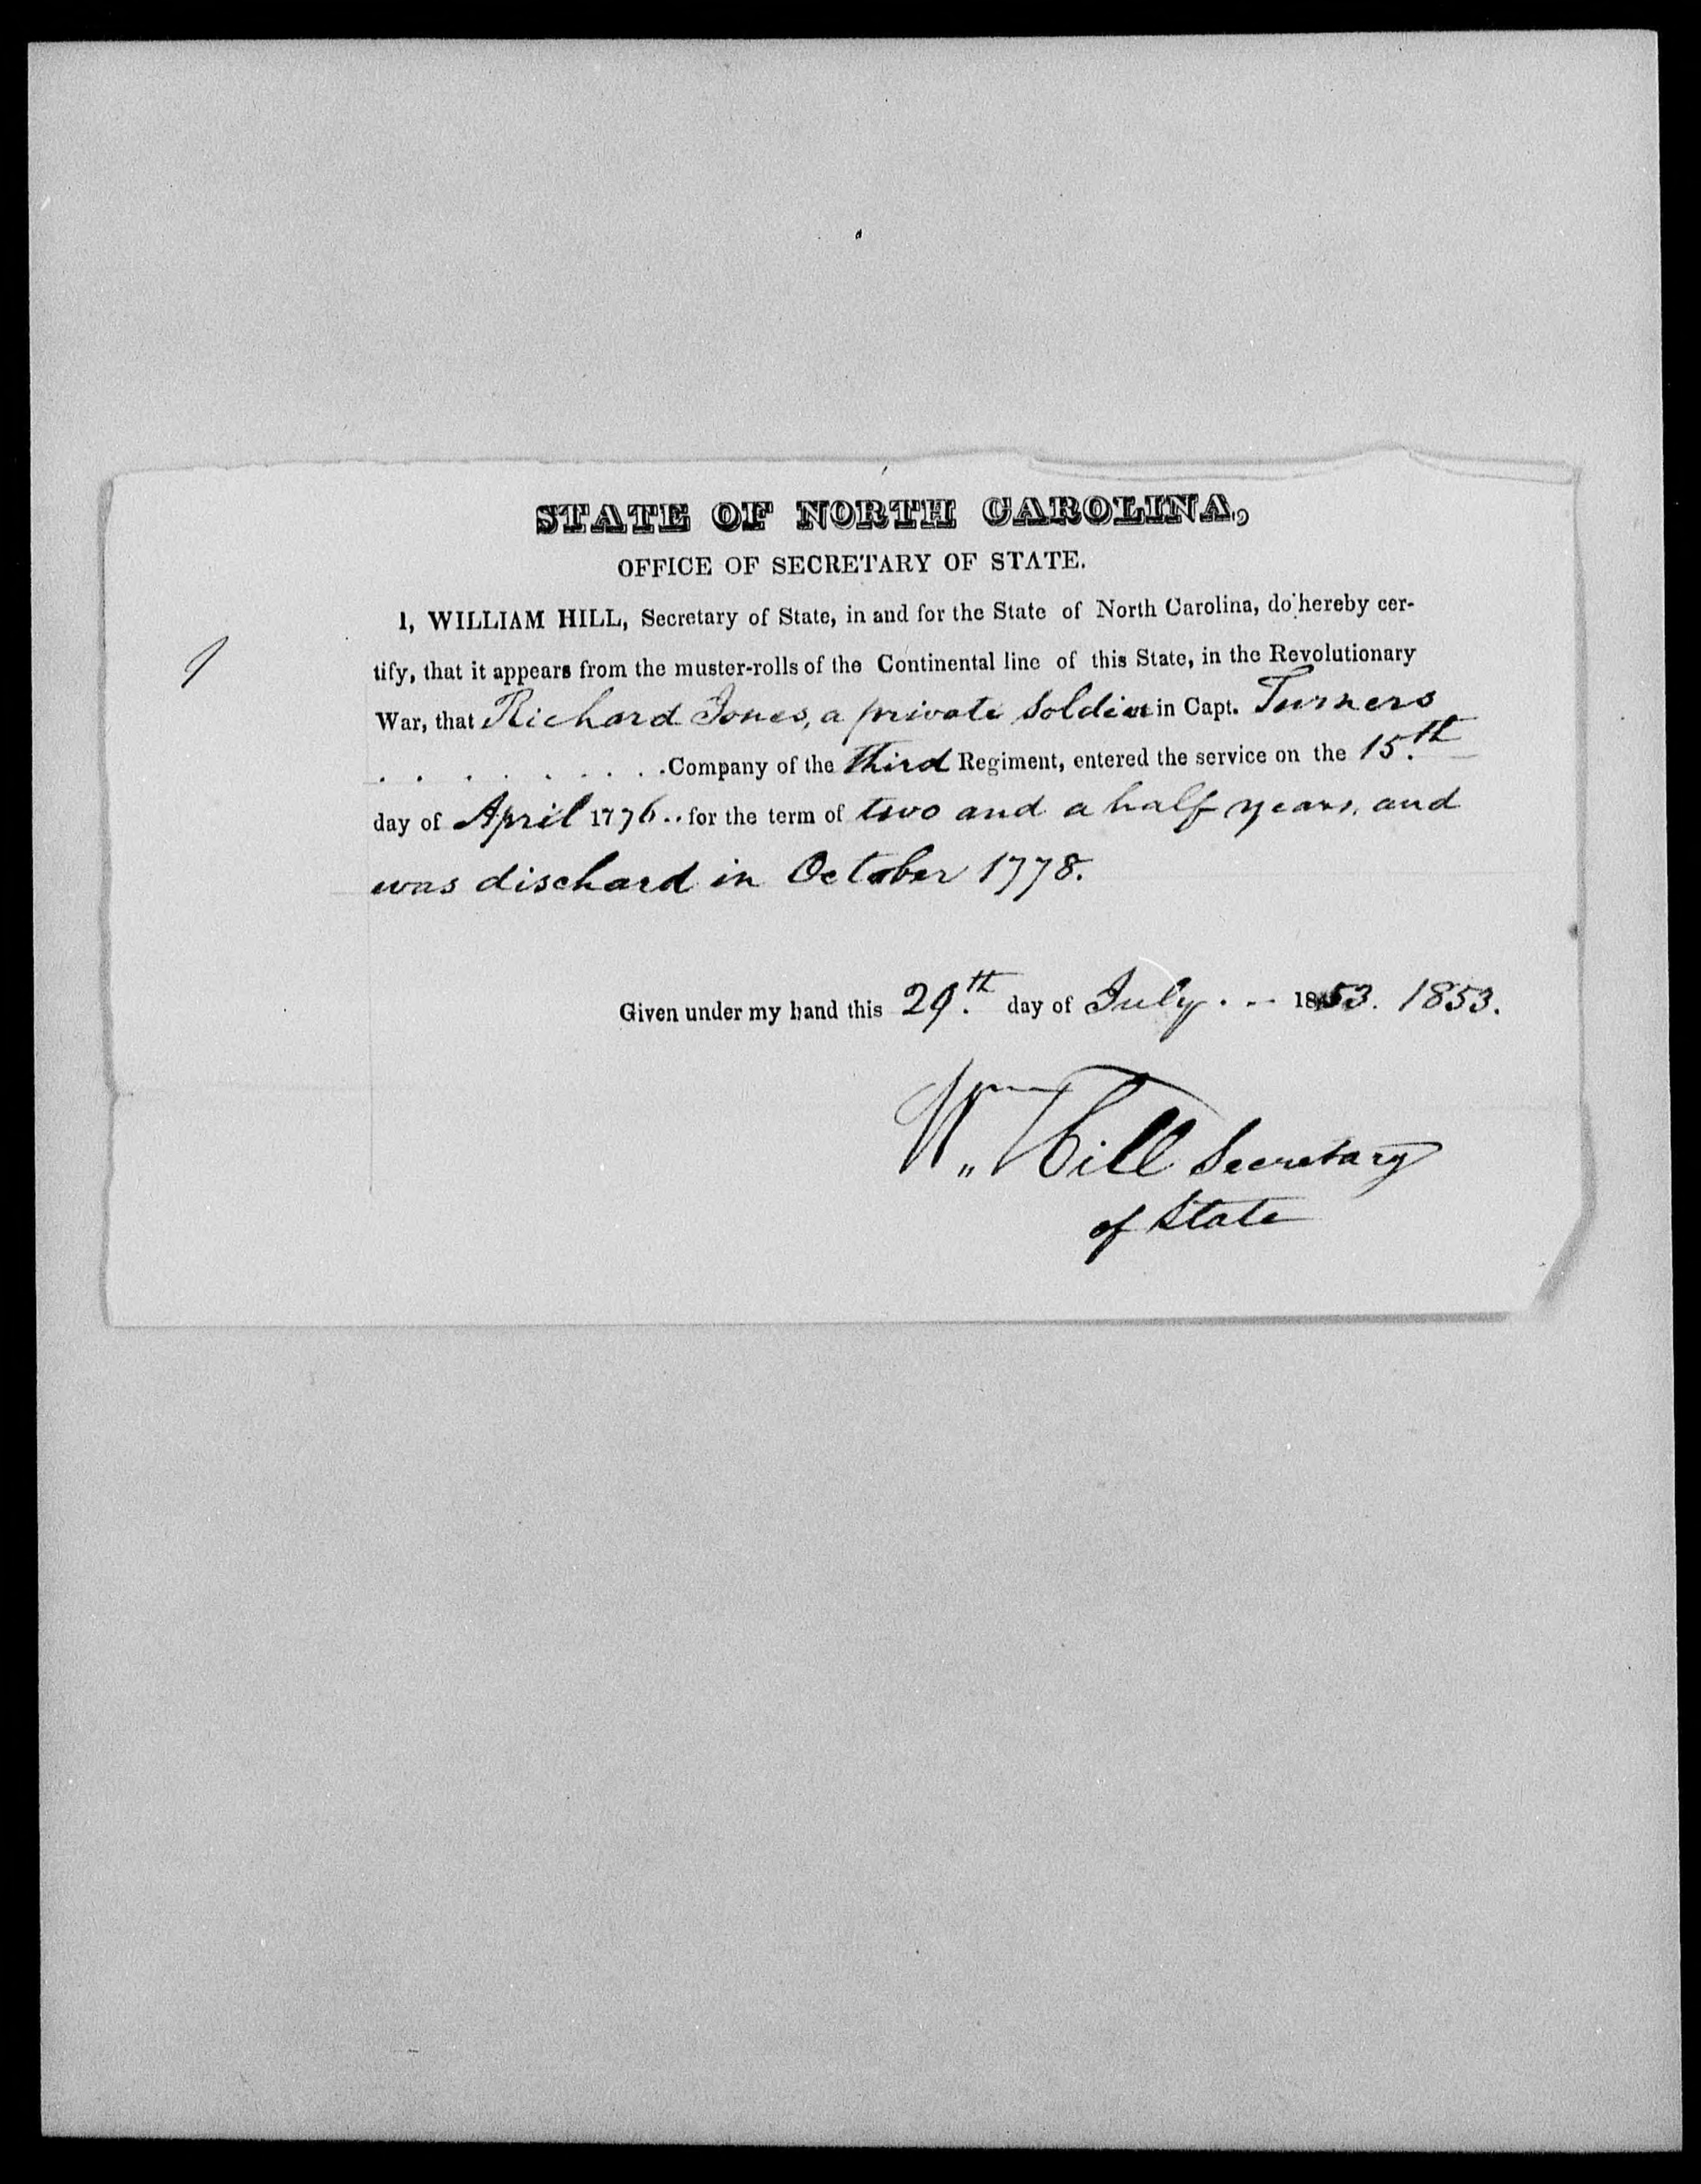STATE OF NORTH CAROLINA,
OFFICE OF SECRETARY OF STATE.

I, WILLIAM HILL, Secretary of State, in and for the State of North Carolina, do hereby 
certify, that it appears from the muster-rolls of the Continental line of this State, in the Revolutionary 
War, that Richard Jones a private soldier in Capt. Turner's 
Company of the third Regiment, entered the service on the 15th
day of April 1776 for the term of two and a half years, and 
was discharged in October 1778.

Given under my hand this 29th day of July 1853

W. Hill Secretary of State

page: 16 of 33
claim: rejected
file: R. 1554, for Richard Jones, North Carolina